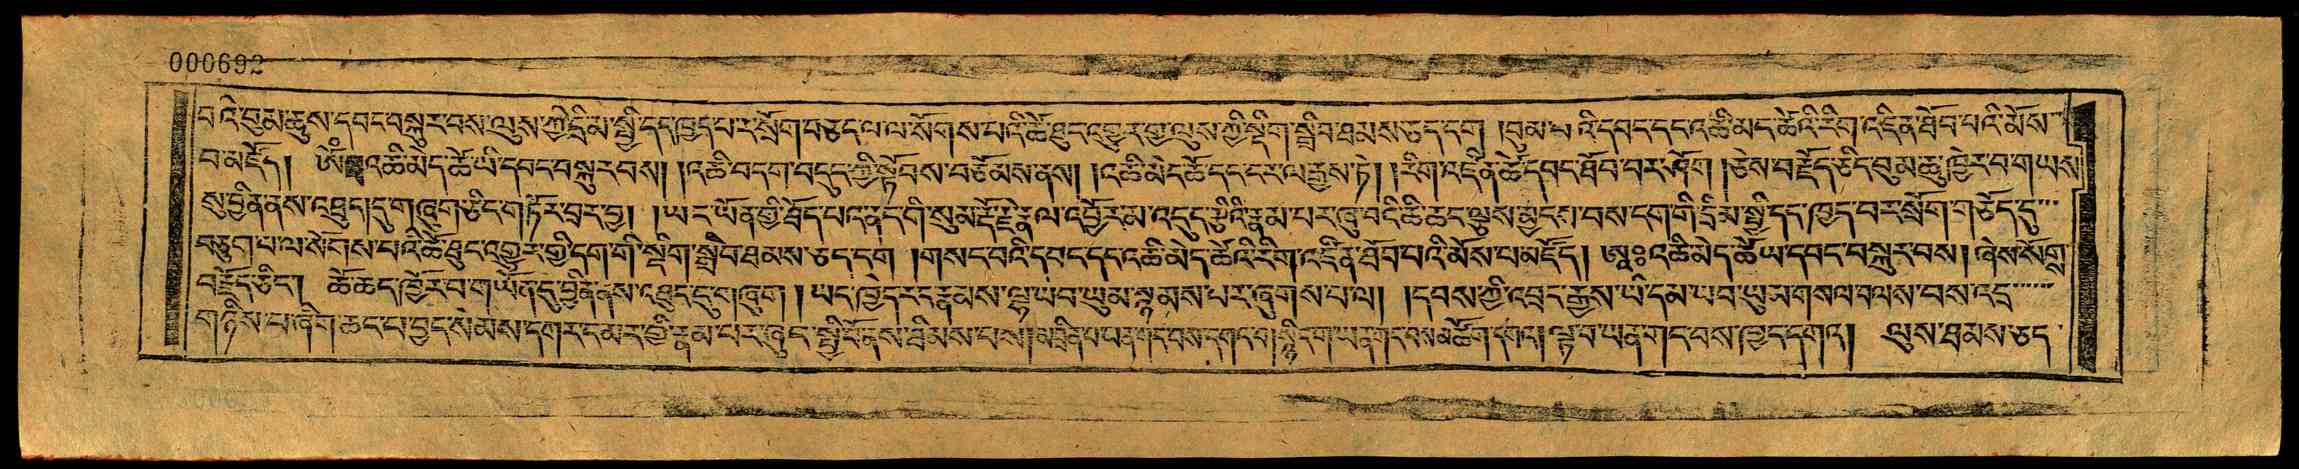བའི་བུམ་ཆུས་དབང་བསྐུར་བས་ལུས་ཀྱི་དྲི་མ་སྤྱི་དང་ཁྱད་པར་སྲོག་བཅད་པ་ལ་སོགས་པའི་ཚེ་ཐུང་འགྱུར་གྱི་ལུས་ཀྱི་སྡིག་སྒྲིབ་ཐམས་ཅད་དག །བུམ་པའི་དབང་དང་འཆི་མེད་ཚེའི་རིག་འཛིན་ཐོབ་པའི་མོས་
པ་མཛོད། ཨོཾ༑ འཆི་མེད་ཚེ་ཡི་དབང་བསྐུར་བས། །འཆི་བདག་བདུད་ཀྱི་སྟོབས་བཅོམས་ནས། །འཆི་མེད་ཚེ་དང་དཔལ་རྒྱས་ཏེ། །རིག་འཛིན་ཚེ་དབང་ཐོབ་པར་ཤོག །ཅེས་བརྗོད་ཅིང་བུམ་ཆུ་ཁྱོར་པ་གཡས་
སུ་བྱིན་ནས་འཐུང་དུ་གཞུག་ཅིང་གཏོར་བར་བྱ། ཡང་གཡོན་གྱི་ཐོད་པའི་ནང་གི་ཡུམ་རྡོ་རྗེ་རྣལ་འབྱོར་མ་བདུད་རྩིའི་རྣམ་པར་ཞུ་བའི་ཚེ་ཆང་ལྕེས་མྱངས་པས་ངག་གི་དྲི་མ་སྤྱི་དང་ཁྱད་པར་སྲོག་གཅོད་དུ་
བཅུག་པ་ལ་སོགས་པའི་ཚེ་ཐུང་འགྱུར་གྱི་ངག་གི་སྡིག་སྒྲིབ་ཐམས་ཅད་དག །གསང་བའི་དབང་དང་འཆི་མེད་ཚེའི་རིག་འཛིན་ཐོབ་པའི་མོས་པ་མཛོད། ཨཱཿ འཆི་མེད་ཚེ་ཡི་དབང་བསྐུར་བས། ཞེས་སོགས་
བརྗོད་ཅིང་། ཚེ་ཆང་ཁྱོར་པ་གཡོན་དུ་བྱིན་ནས་འཐུང་དུ་གཞུག །ཡང་ཁྱེད་རང་རྣམས་ལྷ་ཡབ་ཡུམ་སྙོམས་པར་ཞུགས་པ་ལ། དབུས་ཀྱི་འབྲང་རྒྱས་ཡི་དམ་ཡབ་ཡུམ་དུ་གསལ་བ་ལས་རང་འདྲ་
གཉིས་པ་ཞིག་ཆད་པ་བྱང་སེམས་དཀར་དམར་གྱི་རྣམ་པར་ཞུ་བ་སྤྱི་བོ་ནས་ཐིམས་པས། མགྲིན་པ་ཡན་གང་བས་དགའ་བ། སྙིང་ག་ཡན་གང་བས་མཆོག་དགའ། ལྟེ་བ་ཡན་གང་བས་ཁྱད་དགའ། ལུས་ཐམས་ཅད་